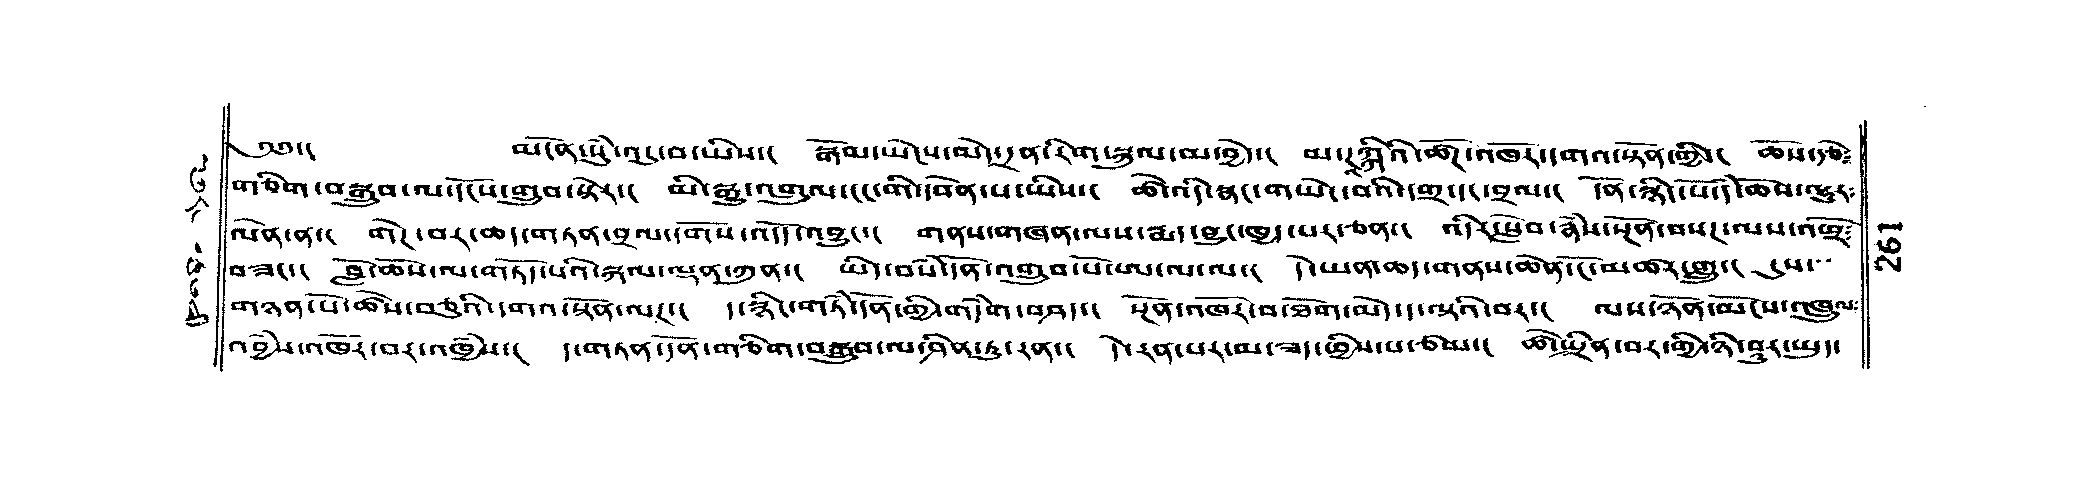མངོན་སུམ་འདུ་བ་ཡིས། །སྒོམ་ཡེངས་མེད་དྲན་རིག་སྐུལ་མ་བྱེད། །མ་ཌཱཀྐིའི་ཚོགས་འཁོར་དགའ་སྟོན་གྱི། །ཆོས་རྩེ་
གཅིག་བསྒྲུབ་ལ་དངོས་སྒྲུབ་སྟེར།མིའི་རྒྱུ་འགྲུལ་ངང་གིས་དབེན་པ་ཡིས། །ཚེ་འདི་སྣང་གཡེང་བའི་དགྲ་དང་བྲལ། དོན་སྙིང་པོ་དམ་ཆོས་ལྷུར་
ལེན་ན། །གེགས་བར་ཆད་གཏན་བྲལ་དགོས་འདོད་འབྱུང་། །གནས་གཞན་ལས་རྨད་བྱུང་ཁྱད་པར་ཅན། །འདིར་སློབ་རྣམས་སྔོན་བསགས་ལས་འཕྲོ་
བཟང་། །བློ་ཆོས་ལ་གཏོད་པའི་སྐལ་ལྡན་ཀུན། །ཡིད་བསམ་དོན་འགྲུབ་པོ་ཨ་ལ་ལ། །དེ་ཡན་ཆད་གནས་ཆེན་ངོ་མཚར་གླུ། །དུས་
གཉན་པོ་ཚེས་བཅུའི་དགའ་སྟོན་ལགས། །ད་སྙིང་གཏམ་དོན་གྱི་གདམས་ངག་བཤད། །སྔོན་འཁོར་བ་ཐོག་མེད་ད་ལྟའི་བར། །ལས་ཉོན་མོངས་འཁྲུལ་
འབྱམས་འཁོར་བར་འཁྱམས། །ད་གཏན་དོན་གཅིག་བསྒྲུབ་ལ་ཤིན་ཏུ་རན། །དེ་རན་པར་མ་ཟད་ཕྱིས་པ་ཙམ། །ཚེ་སྤྲིན་བར་གྱི་ཉི་ཤུར་ཡུད་